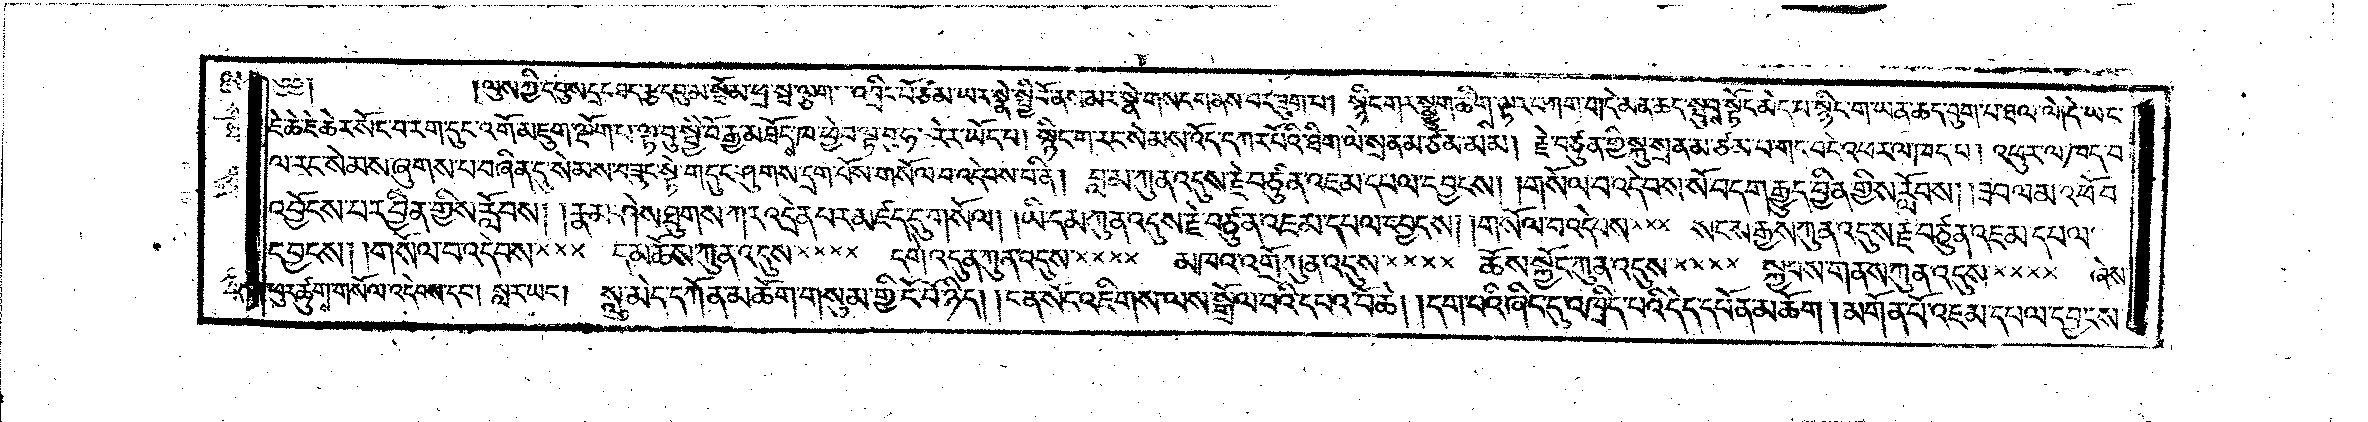༄༅། །ལུས་ཀྱི་དབུས་དྲང་ཐང་རྩ་དབུམ་སྦོམ་ཕྲ་སྤ་ལྕག་འབྲིང་པོ་ཙམ་ཡར་སྣེ་སྤྱི་བོ་ནས་མར་སྣེ་གསང་གནས་པར་ཟུག་པ། སྙིང་གར་སྨྱུག་ཆིགས་ལྟར་བཀག་གདེ་མན་ཆང་སྦུབས་སྟོང་མེད་པ་སྙིང་ག་ཡན་ཆད་བུག་པ་ཐལ་ལེ། དེ་ཡང་
ཇེ་ཆེ་ཇེ་ཆེར་སོང་བར་གདུང་འོག་མཇུག་ལྡོག་པ་ལྟ་བུ་སྤྱི་བོ་རྒྱ་མཐོངས་ཁ་ཕྱེ་བ་ལྟ་བུ་ཧ་རེར་ཡོད་པ། སྙིང་ག་རང་སེམས་འོད་དཀར་པོའི་ཐིག་ལེ་སྲན་མ་ཙམ་མ་མ། རྗེ་བཙུན་གྱི་སྐུ་སྲན་མ་ཙམ་པ་གང་བདེ་འཕར་ལ་ཁང་པ། འཕུར་ལ་ཁད་པ་
ལ་རང་སེམས་ཞུགས་པ་བཞིན་དུ་སེམས་བཟུང་སྟེ་གདུང་ཤུགས་དྲག་པོས་གསོལ་བ་འདེབས་པ་ནི། བླ་མ་ཀུན་འདུས་རྗེ་བཙུན་འཇམ་དཔལ་དབྱངས། །གསོལ་བ་འདེབས་སོ་བདག་རྒྱུད་བྱིན་གྱིས་རློབས། །ཟབ་ལམ་འཕོབ་
འབྱོངས་པར་བྱིན་གྱིས་རློབས། །རྣམ་ཤེས་ཐུགས་ཀར་འདྲེན་པར་མཛད་དུ་གསོལ། །ཡི་དམ་ཀུན་འདུས་རྗེ་བཙུན་འཇམ་དཔལ་དབྱངས། །གསོལ་བ་འདེབས་྾྾྾་སངས་རྒྱས་ཀུན་འདུས་རྗེ་བཙུན་འཇམ་དཔལ་
དབྱངས། །གསོལ་བ་འདེབས་྾྾྾་དམ་ཆོས་ཀུན་འདུས་྾྾྾་དགེ་འདུན་ཀུན་འདུས་྾྾྾་མཁའ་འགྲོ་ཀུན་འདུས་྾྾྾་ཆོས་སྐྱོང་ཀུན་འདུས་྾྾྾་སྐྱབས་གནས་ཀུན་འདུས་྾྾྾་ཞེས་
ཕུར་ཚུགས་གསོལ་འདེབས་དང་། སླར་ཡང་། སླུ་མེད་དཀོན་མཆོག་གསུམ་གྱི་ངོ་བོ་ཉིད། །ངན་སོང་འཇིགས་ལས་སྒྲོལ་བའི་དཔའ་བོ་ཆེ། །དག་པའི་ཞིང་དུ་འཁྲིད་པའི་དེད་དཔོན་མཆོག །མགོན་པོ་འཇམ་དཔལ་དབྱངས་